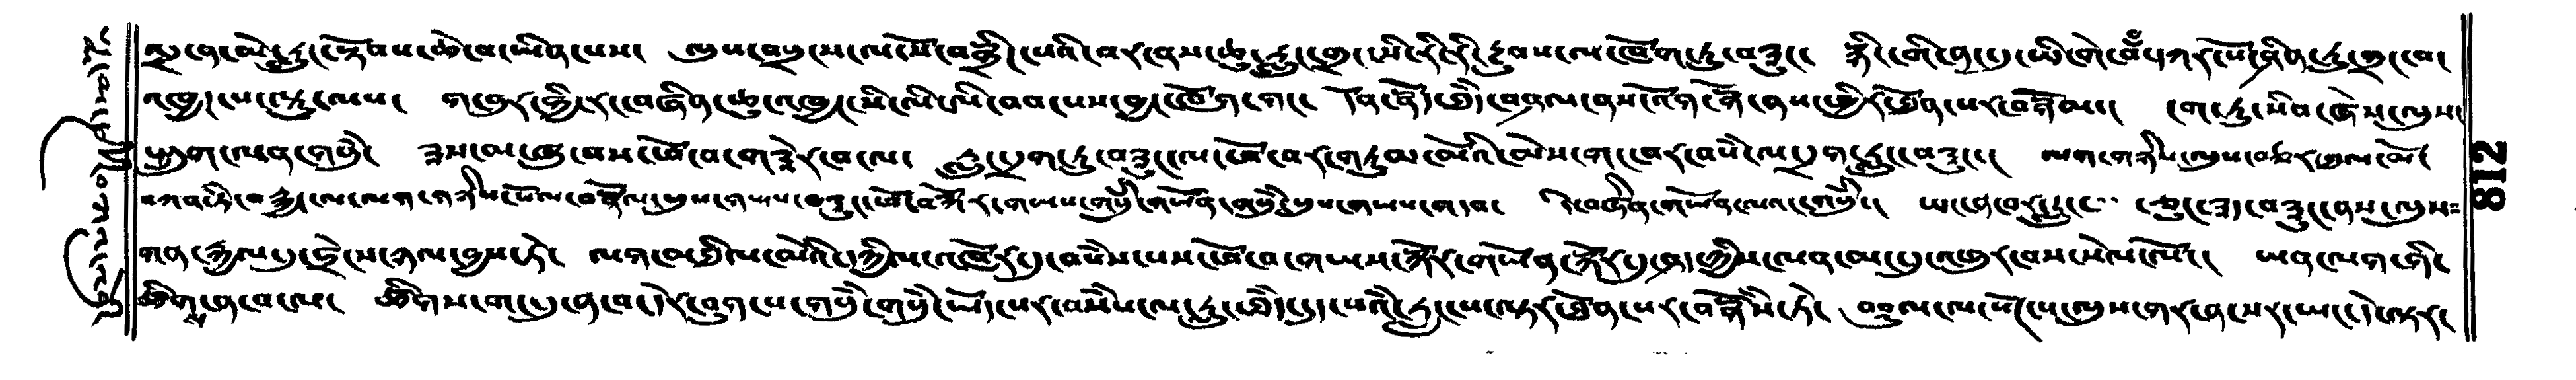འདྲ་ན་མེ་རླུང་སྟོབས་ཆེ་བ་ཡིན་པས། ལུས་བསྲངས་ལ་སོ་བསྒྲིགས་པའི་བར་ནས་ཆུ་རླུང་གྲང་སི་རི་རི་རྔུབས་ལ་ཁོག་ཏུ་བཟུང་། སྙིང་གི་ནང་དུ་ཡི་གེ་བྃ་དཀར་པོ་ཤིན་ཏུ་གྲང་བ་
འཁྱག་པ་ལྟ་བུ་ལས། ག་བུར་གྱི་རང་བཞིན་ཆུ་འཁྱག་སི་ལི་ལི་བབས་པས་བྱང་ཁོག་གང་། དོན་སྣོད་ཐམས་ཅད་བཤལ་ནས་འོག་སྒོ་ནས་ཕྱིར་ཐོན་པར་བསྒོམ། ངག་ཏུ་སིབ་ཞེས་ལུས་
སྤྲུགས་ལན་གསུམ། ཟས་མ་ཞུ་བས་ཕོ་བ་གཟེར་བ་ལ། རླུང་དྲག་ཏུ་བཟུང་ལ་ཕོ་བར་གཏུམ་མོའི་མེས་གང་བར་བསམ་ལ་དྲག་རླུང་བཟུང་། ལག་གཉིས་ལུས་བཅར་ཐལ་མོ་
བཀན་ཏེ་བརྐྱང་ལ་ལག་གཉིས་སོལ་བསྣོལ་པུས་གཡས་བཟུང་ཕོ་བསྐོར་གཡས་གསུམ་གཡོན་གསུམ་ཕུས་གཡས་གདབ། དེ་བཞིན་གཡོན་ལའང་གསུམ།ཡང་ན་བར་རླུང་ཅུང་ཟད་བཟུང་ནས་ལུས་
གན་རྐྱལ་དུ་ཧྲེངས་ཉལ་བྱས་ཏེ། ལག་མཐིལ་མེའི་དཀྱིལ་འཁོར་དུ་བསམ་པས་ཕོ་བ་གཡས་སྐོར་གཡོན་སྐོར་དུ་བཤད་ཀྱིས་ལན་མང་དུ་འཕུར་བས་སེལ་ལོ། ཡན་ལག་གི་
ཚིགས་ན་བ་ལ། ཚིགས་གང་དུ་ན་བ་དེར་བུག་པ་གསུམ་གསུམ་ཡོད་པར་བསམ་ལ་རླུང་ཐམས་ཅད་དུད་པའམ་རླངས་པ་ལྟར་ཐོབ་པར་བསྒོམས་ཏེ། བཤུལ་ལ་སོགས་པ་ལུས་གར་ན་སར་ཡང་དེ་ལྟར་